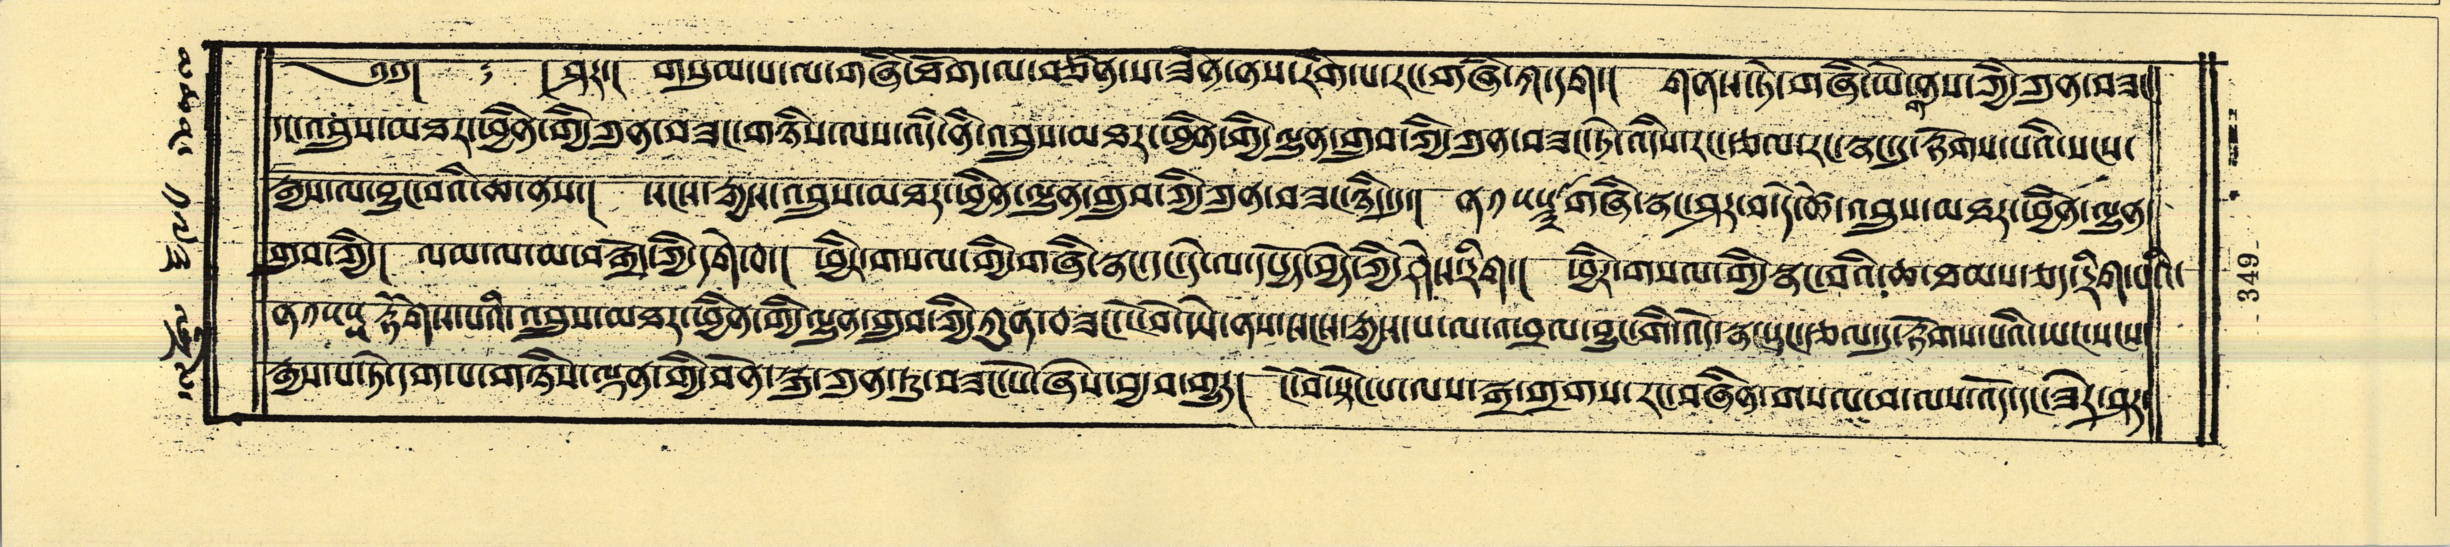ཤར། གསུམ་པ་ལ་གཞི་ཐོག་ལ་བཙན་ས་ཟིན་ནས་རིག་པ་རང་གཞི་ ༼ཀ་དག་༽ ༼གནས་ཏེ་༽གཞི་ཡེ་གནས་ཀྱི་ཀུན་བཟང་
དང་འབྲས་བུ་མཐར་ཕྱིན་གྱི་ཀུན་བཟང་གཉིས་ལས་འདི་ནི་འབྲས་བུ་མཐར་ཕྱིན་གྱི་ལྷུན་གྲུབ་ཀྱི་ཀུན་བཟང་ཏེ་འདིས་རང་རྩལ་རང་སྣང་དུ་རྟོགས་པའི་སངས་
རྒྱས་ལ་བྱུང་བའི་ཆ་ནས། ༼སངས་རྒྱས་༽འབྲས་བུ་མཐར་ཕྱིན་ལྷུན་གྲུབ་ཀྱི་ཀུན་བཟང་ཉིད་དུ། ན༡༥༥།༣ གཞི་སྣང་ཤར་བ་ ༼དེ་ཚེ་༽འབྲས་བུ་མཐར་ཕྱིན་ལྷུན་
གྲུབ་ཀྱི། ལམ་ལ་མ་བསྒྲོད་ཀྱི་དགེ་བ། ཕྱིར་གསལ་གྱི་གཞི་སྣང་དང་དེ་ལ་དཔྱོད་བྱེད་ཀྱི་ཤེས་རིག་ ཕྱིར་གསལ་གྱི་སྣང་བའི་ཆ་ཐམས་ཅད་རིག་པའི་
ན༡༥༥།༥ རྟོགས་པའི་འབྲས་བུ་མཐར་ཕྱིན་གྱི་ལྷུན་གྲུབ་ཀྱི་ ཀུན་བཟང་ངོ་བོ་ཡེ་ནས་སངས་རྒྱས་པ་ལ་འཕྲལ་བྱུང་གི་འོད་སྣང་དང་རྩལ་དུ་རྟོགས་པའི་ཡང་སངས
རྒྱས་པ་ཏེ་དག་པ་གཉིས་ལྡན་གྱི་བོན་སྐུ་ཀུན་ཏུ་བཟང་པོ་ཞེས་བྱ་བ་གྱུར། ངོ་བོ་སྟོང་པ་ལས་སྒྲ་གྲགས་རང་བཞིན་གསལ་བ་ལས་འོད་དང་ཟེར་ཤར་